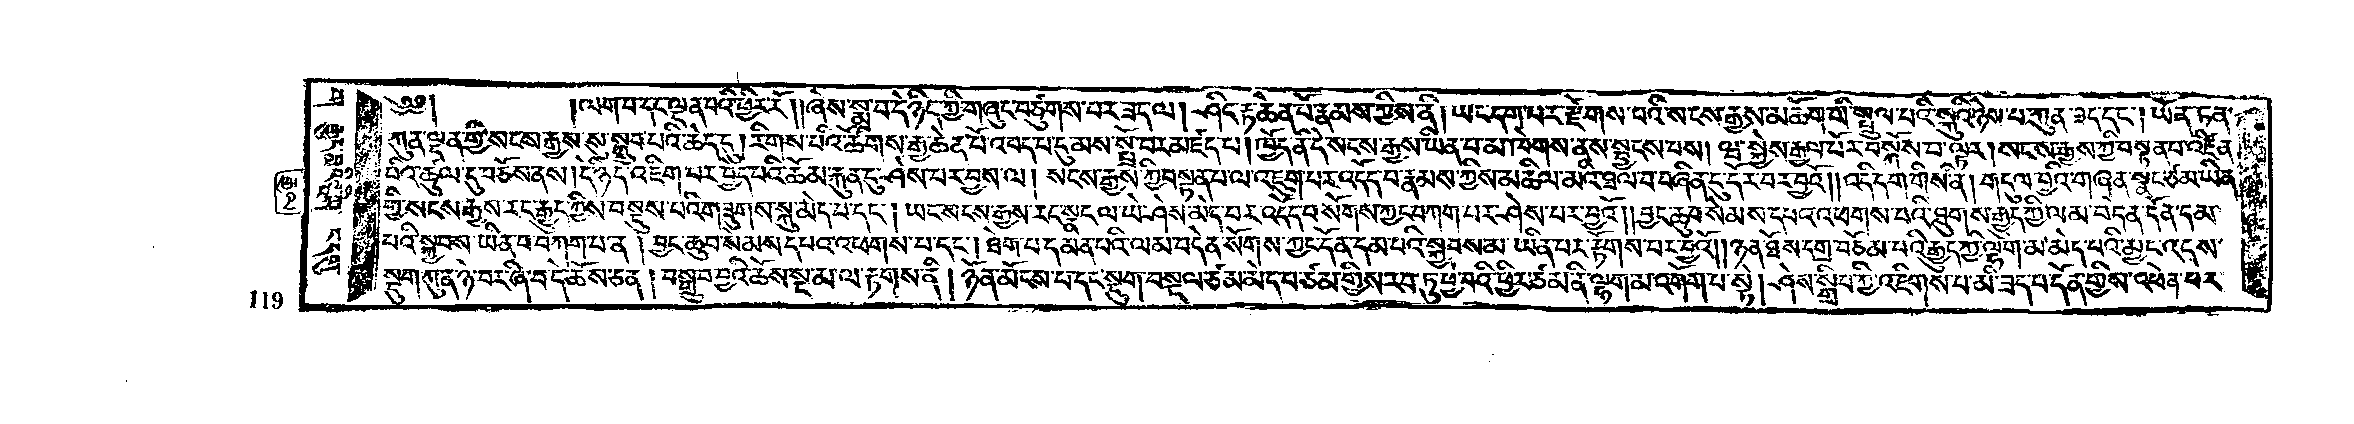༄༅། །ལག་པ་དང་ལྡན་པའི་ཕྱིར་རོ། །ཞེས་སྨྲ་བ་དེ་ཉིད་ཀྱི་གཞུང་བཙུགས་པར་ཟད་ལ། ཤིང་རྟ་ཆེན་པོ་རྣམས་ཀྱིས་ནི། ཡང་དག་པར་རྫོགས་པའི་སངས་རྒྱས་མཆོག་གི་སྤྲུལ་པའི་སྐུའི་ཉེས་པ་ཀུན་ཟད་དང་། ཡོན་ཏན་
ཀུན་ལྡན་གྱི་སངས་རྒྱས་སུ་སྒྲུབ་པའི་ཆེད་དུ། རིགས་པའི་ཚོགས་རྒྱ་ཆེན་པོ་འབད་པ་དུ་མས་སྤྲོ་བར་མཛད་པ། ཁྱོད་ནི་དེ་སངས་རྒྱས་ཡིན་པ་མ་ཁེགས་ནས་སྦྱངས་པས། ཝ་སྐྱེས་རྒྱལ་པོར་བསྐོས་པ་ལྟར། སངས་རྒྱས་ཀྱི་བསྟན་པ་འཛིན་
པའི་ཚུལ་དུ་བཅོས་ནས། དེ་ཉིད་འཇིག་པར་བྱེད་པའི་ཆོམ་རྐུན་དུ་ཤེས་པར་བྱས་ལ། སངས་རྒྱས་ཀྱི་བསྟན་པ་ལ་འཇུག་པར་འདོད་པ་རྣམས་ཀྱིས་མཆིལ་མའི་ཐལ་བ་བཞིན་དུ་དོར་བར་བྱའོ། །འདི་དག་གིས་ནི། གདུལ་བྱའི་གཞན་སྣང་ཙམ་ཡིན་
གྱི་སངས་རྒྱས་རང་རྒྱུད་ཀྱིས་བསྡུས་པའི་གཟུགས་སྐུ་མེད་པ་དང་། ཡང་སངས་རྒྱས་རང་སྣང་ལ་ཡེ་ཤེས་མེད་པར་འདོད་པ་སོགས་ཀྱང་བཀག་པར་ཤེས་པར་བྱའོ། །བྱང་ཆུབ་སེམས་དཔའ་འཕགས་པའི་ཐུགས་རྒྱུད་ཀྱི་ལམ་བདེན་དོན་དམ་
པའི་སྐྱབས་ཡིན་པ་བཀག་པ་ན། བྱང་ཆུབ་སེམས་དཔའ་འཕགས་པ་དང་། ཐེག་པ་དམན་པའི་ལམ་བདེན་སོགས་ཀྱང་དོན་དམ་པའི་སྐྱབས་མ་ཡིན་པར་རྟོགས་པར་བྱའོ། །ཉན་ཐོས་དགྲ་བཅོམ་པའི་རྒྱུད་ཀྱི་ལྷག་མ་མེད་པའི་མྱང་འདས་
སྡུག་ཀུན་ཉེ་བར་ཞི་བ་དེ་ཆོས་ཅན། བསྒྲུབ་བྱའི་ཆོས་སྔ་མ་ལ་རྟགས་ནི། ཉོན་མོངས་པ་དང་སྡུག་བསྔལ་ཙམ་མེད་པ་ཙམ་གྱིས་རབ་ཏུ་ཕྱེ་བའི་ཕྱིར་ཙམ་ནི་ལྷག་མ་འགོག་པ་སྟེ། ཤེས་སྒྲིབ་ཀྱི་འཇིགས་པ་མི་ཟད་པ་དོན་གྱིས་འཕེན་པར་